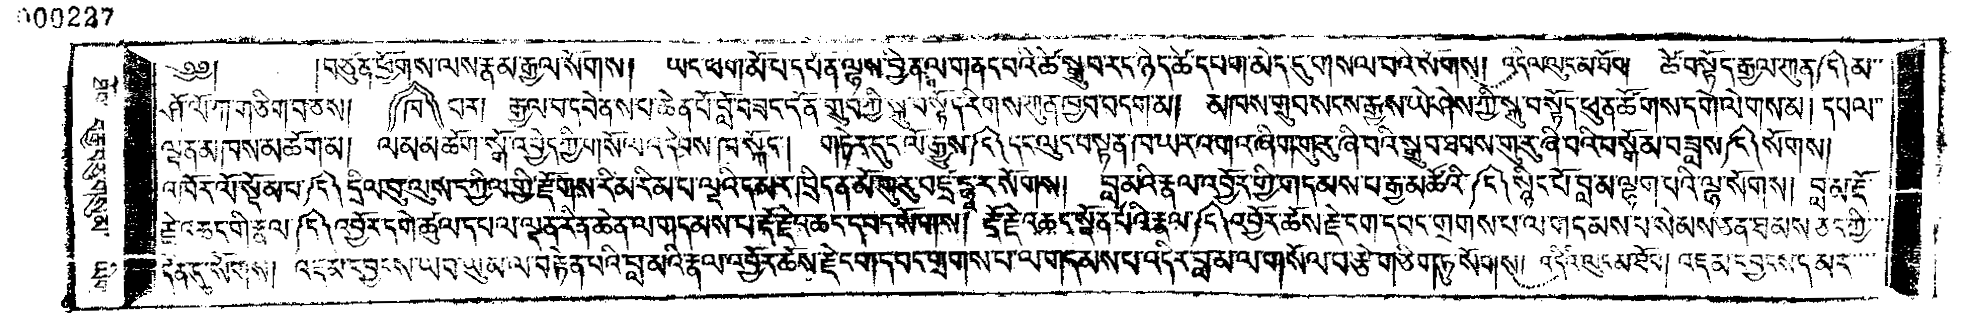༄༅། །བཙུན་ཕྱོགས་ལས་རྣམ་རྒྱལ་སོགས། ཡང་ཕག་མོ་པ་དཔོན་ལྷས་བྱིན་པ་ལ་གནང་བའི་ཚེ་སྒྲུབ་རང་ཉིད་ཚེ་དཔག་མེད་དུ་གསལ་བའི་སོགས་འདི་ལ་ལུང་མ་ཐོབ།  ཚེ་བསྟོད་རྒྱལ་ཀུན ༼ང༽ མ་
ཤོ་ལོ་ཀ་གཅིག་བཅས། ༼༽ཁ༼༽ པར། རྒྱལ་བ་དབེན་ས་པ་ཆེན་པོ་བློ་བཟང་དོན་གྲུབ་ཀྱི་སྐུ་བསྟོད་རིགས་ཀུན་ཁྱབ་བདག་མ། མཁས་གྲུབ་སངས་རྒྱས་ཡེ་ཤེས་ཀྱི་སྐུ་བསྟོད་ཕུན་ཚོགས་དགེ་ལེགས་མ། དཔལ་
ལྡན་མཁས་མཆོག་མ། ལམ་མཆོག་སྒོ་འབྱེད་ཀྱི་གསོལ་འདེབས་ཁ་སྐོང་། གཏེར་དུང་ལོ་རྒྱུས ༼ང༽ དང་ལུང་བསྟན་ཁ་ཡར་འགའ་ཞིག་གུ་རུ་ཞི་བའི་སྒྲུབ་ཐབས་གུ་རུ་ཞི་བའི་བསྒོམ་བཟླས ༼ང༽ སོགས།
འཁོར་ལོ་སྡོམ་པ ༼ང༽ དྲིལ་བུ་ལུས་དཀྱིལ་གྱི་རྫོགས་རིམ་རིམ་པ་ལྔའི་དམར་ཁྲིད་ན་མོ་གུ་རུ་བཛྲ་དྷཱ་ར་སོགས། བླ་མའི་རྣལ་འབྱོར་གྱི་གདམས་པ་རྒྱ་མཚོའི ༼ང༽ སྙིང་པོ་བླ་མ་ལྷག་པའི་ལྷ་སོགས། བླ་མ་རྡོ་
རྗེ་འཆང་གི་རྣལ ༼ང༽ འབྱོར་དགེ་ཚུལ་དཔལ་ལྡན་རིན་ཆེན་ལ་གདམས་པ་རྡོ་རྗེ་འཆང་དབང་སོགས། རྡོ་རྗེ་འཆང་སྡོན་པའི་རྣལ ༼ང༽ འབྱོར་ཆོས་རྗེ་ངག་དབང་གྲགས་པ་ལ་གདམས་པ་སེམས་ཅན་ཐམས་ཅད་ཀྱི་
དོན་དུ་སོགས། འཇམ་དབྱངས་ཡབ་ཡུམ་ལ་བརྟེན་པའི་བླ་མའི་རྣལ་འབྱོར་ཆོས་རྗེ་ངག་དབང་གྲགས་པ་ལ་གདམས་པ་འདིར་བླ་མ་ལ་གསོལ་བ་རྩེ་གཅིག་ཏུ་སོགས་འདིའི་ལུང་མ་ཐོབ།  འཇམ་དབྱངས་དམར་